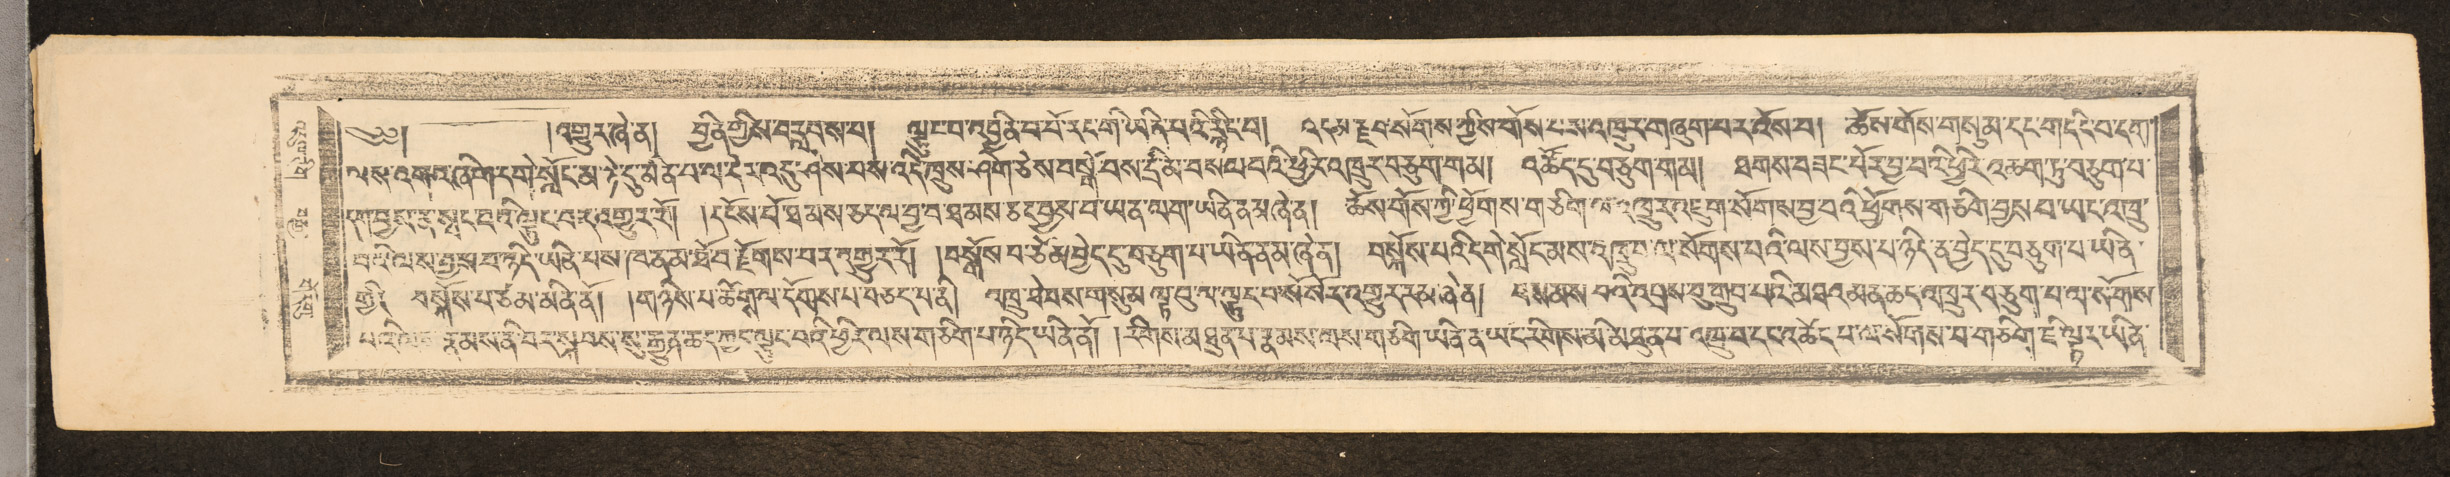༄༅། །འགྱུར་ཞེ་ན། བྱིན་གྱིས་བརླབས་པ། ལྟུང་བ་འབྱིན་པ་པོ་རང་གི་ཡིན་པའི་རྙིང་པ། འདམ་རྫབ་སོགས་ཀྱིས་གོས་པས་འཁྲུར་གཞུག་པར་འོས་པ། ཆོས་གོས་གསུམ་དང་གདིང་བ་དག་
ལས་འགའ་ཞིག་དགེ་སློང་མ་ཉེ་དུ་མིན་པ་ལ་དེར་འདུ་ཤེས་པས་འདི་ཁྲུས་ཤིག་ཅེས་བསྒོ་བས་དྲི་མ་བསལ་བའི་ཕྱིར་འཁྲུར་བཅུག་གམ། འཚོད་དུ་བཅུག་གམ། ཐགས་བཟང་པོར་བྱ་བའི་ཕྱིར་འཆག་ཏུ་བཅུག་པ་
དག་བྱས་ན་སྤང་པའི་ལྟུང་བར་འགྱུར་རོ། །དངོས་པོ་ཐམས་ཅད་ལ་བྱ་བ་ཐམས་ཅད་བྱས་པ་ཡན་ལག་ཡིན་ནམ་ཞེ་ན། ཆོས་གོས་ཀྱི་ཕྱོགས་གཅིག་ལ་འཁྲུར་འཇུག་སོགས་བྱ་བའི་ཕྱོགས་གཅིག་བྱས་པ་ཡང་འཁྲུ་
བའི་ལས་བྱས་པ་ཉིད་ཡིན་པས་ཁ་ན་མ་ཐོ་བ་རྫོགས་པར་འགྱུར་རོ། །བསྐོས་པ་ཙེམ་བྱེད་དུ་བཅུག་པ་ཡིན་ནམ་ཞེ་ན། བསྐོས་པའི་དགེ་སློང་མས་འཁྲུབ་ལ་སོགས་པའི་ལས་བྱས་པ་ཉིད་ན་བྱེད་དུ་བཅུག་པ་ཡིན་
གྱི༑ བསྐོས་པ་ཙམ་མིན་ནོ། །གཉིས་པ་ཚིགས་ལ་དོགས་པ་བཅད་པ་ནི། འཁྲུ་ཐེབས་གསུམ་ལྟ་བུ་ལ་ལྟུང་བ་སོ་སོར་འགྱུར་རམ་ཞེ་ན། བསམས་པའི་འབྲས་བུ་གྲུབ་པའི་མཐའ་མན་ཆད་འཁྲུར་བཅུག་པ་ལ་སོགས་
པའི་ལས་རྣམས་ནི་བར་སྐབས་སུ་རྒྱུན་ཆད་ཀྱང་ལྟུང་བའི་ཕྱིར་ལས་གཅིག་པ་ཉིད་ཡིན་ནོ། །རིགས་མཐུན་པ་རྣམས་ལས་གཅིག་ཡིན་ན་ཡང་རིགས་མི་མཐུན་པ་འཁྲུ་བ་དང་འཚེད་པ་ལ་སོགས་པ་གཅིག་ཇི་ལྟར་ཡིན་